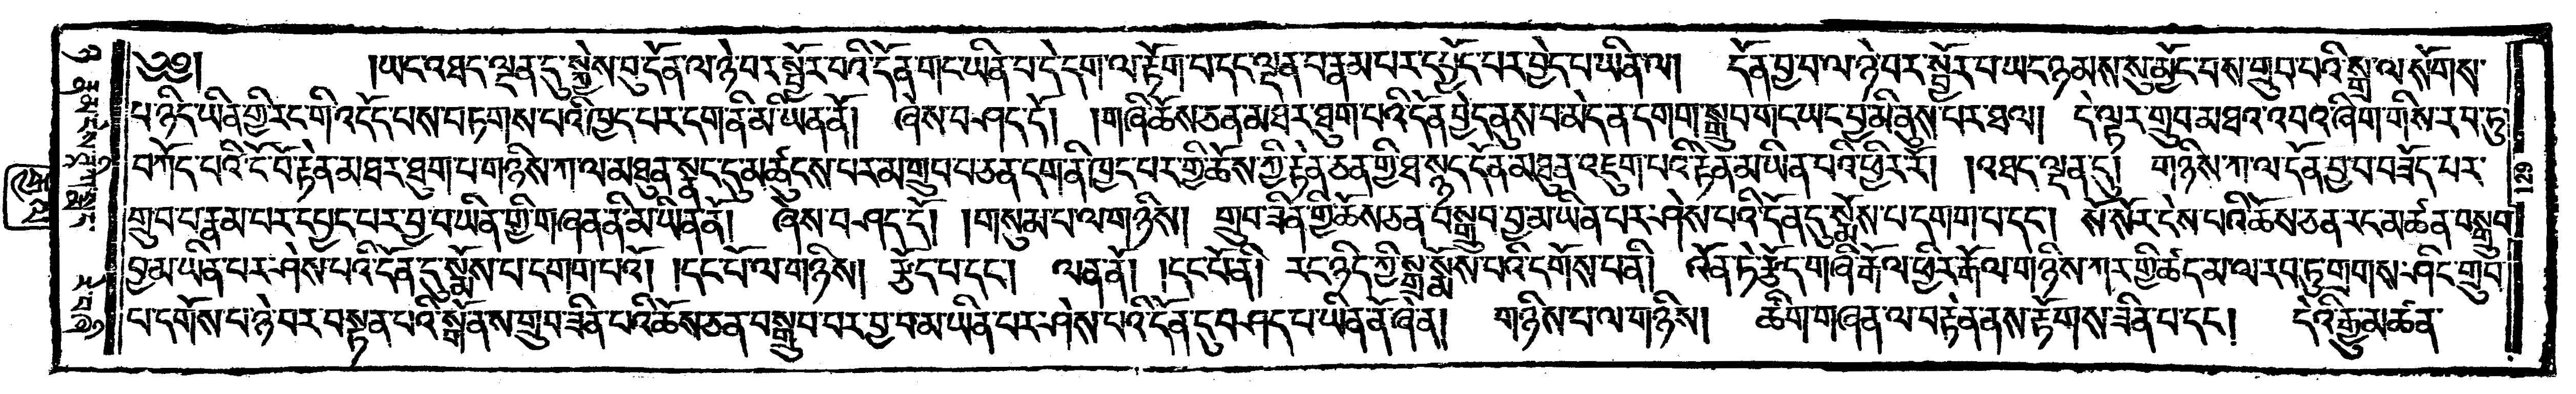༄༅། །ཡང་འཐད་ལྡན་དུ་སྐྱེས་བུ་དོན་ལ་ཉེ་བར་སྦྱོར་བའི་དོན་གང་ཡིན་པ་དེ་དག་ལ་རྟོག་པ་དང་ལྡན་པ་རྣམ་པར་དཔྱོད་པར་བྱེད་པ་ཡིན་ལ། དོན་བྱ་བ་ལ་ཉེ་བར་སྦྱོར་པ་ཡང་ཉམས་སུ་མྱོང་བས་གྲུབ་པའི་གྲུབ་པའི་སྒྲ་ལ་སོགས་
པ་ཉིད་ཡིན་གྱི་རང་གི་འདོད་པས་བཏགས་པའི་ཁྱད་པར་དག་ནི་མ་ཡིན་ནོ། ཞེས་བཤད་དོ། །གཞི་ཆོས་ཅན་མཐར་ཐུག་པའི་དོན་བྱེད་ནུས་པ་མེད་ན་དགག་སྒྲུབ་གང་ཡང་བྱ་མི་ནུས་པར་ཐལ། དེ་ལྟར་གྲུབ་མཐའ་འབའ་ཞིག་གིས་རབ་ཏུ་
བཀོད་པའི་ངོ་བོ་རྟེན་མཐར་ཐུག་པ་གཉིས་ཀ་ལ་མཐུན་སྣང་དུ་མཚུངས་པར་མ་གྲུབ་པ་ཅན་དག་ནི་ཁྱད་པར་གྱི་ཆོས་ཀྱི་རྟེན་ཅན་གྱི་ཐ་སྙད་དོན་མཐུན་འཇུག་པའི་རྟེན་མ་ཡིན་པའི་ཕྱིར་རོ། །འཐད་ལྡན་དུ། གཉིས་ཀ་ལ་དོན་བྱ་བ་བཟོད་པར་
གྲུབ་པ་རྣམ་པར་དཔྱད་པར་བྱ་བ་ཡིན་གྱི་གཞན་ནི་མ་ཡིན་ནོ། ཞེས་བཤད་དོ། །གསུམ་པ་ལ་གཉིས། གྲུབ་ཟིན་གྱི་ཆོས་ཅན་བསྒྲུབ་བྱ་མ་ཡིན་པར་ཤེས་པའི་དོན་དུ་སྨོས་པ་དགག་པ་དང་། སོ་སོར་ངེས་པའི་ཆོས་ཅན་རང་མཚན་བསྒྲུབ་
བྱ་མ་ཡིན་པར་ཤེས་པའི་དོན་དུ་སྨོས་པ་དགག་པའོ། །དང་པོ་ལ་གཉིས། རྩོད་པ་དང་། ལན་ནོ། །དང་པོ་ནི། རང་ཉིད་ཀྱི་སྒྲ་སྨོས་པའི་དགོས་པ་ནི། འོ་ན་ཏེ་རྩོད་གཞི་རྒོལ་ཕྱིར་རྒོལ་གཉིས་ཀར་གྱི་ཚད་མ་ལ་རབ་ཏུ་གྲགས་ཤིང་གྲུབ་
པ་དགོས་པ་ཉེ་བར་བསྟན་པའི་སྒོ་ནས་གྲུབ་ཟིན་པའི་ཆོས་ཅན་བསྒྲུབ་པར་བྱ་བ་མ་ཡིན་པར་ཤེས་པའི་དོན་དུ་བཤད་པ་ཡིན་ནོ་ཞེ་ན། གཉིས་པ་ལ་གཉིས། ཚིག་གཞན་ལ་བརྟེན་ནས་རྟོགས་ཟིན་པ་དང་། དེའི་རྒྱུ་མཚན་